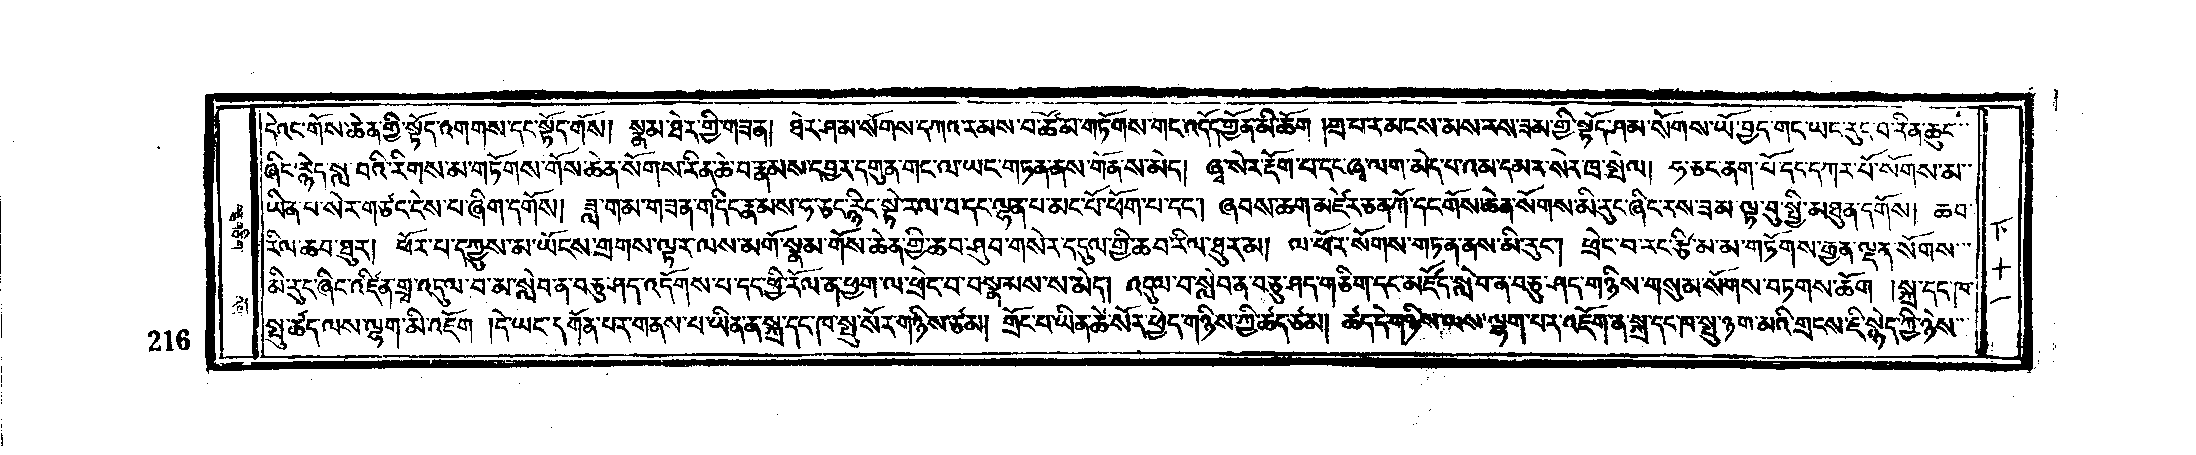དེའང་གོས་ཆེན་གྱི་སྟོད་འགགས་དང་སྟོད་གོས། སྣམ་ཐེར་གྱི་གཟན། ཐེར་ཤམ་སོགས་དཀའ་རམས་པ་ཚོ་མ་གཏོགས་གང་འདོད་གྱོན་མི་ཆོག །གྲ་པར?་མངས་མས་རས་ཟམ་གྱི་སྟོད་ཤམ་སོགས་ཡོ་བྱད་གང་ཡང་རུང་བ་རིན་ཆུང་
ཞིང་རྙེད་སླ་བའི་རིགས་མ་གཏོགས་གོས་ཆེན་སོགས་རིན་ཆེ་བ་རྣམས་དབྱར་དགུན་གང་ལ་ཡང་གཏན་ནས་གོན་ས་མེད། ཞྭ་སེར་རྡོག་པ་དང་ཞྭ་ལག་མེད་པ་འམ་དམར་སེར་ཁྲ་སྤེལ། ཧ་ཅང་ནག་པོ་དང་དཀར་པོ་སོགས་མ་
ཡིན་པ་སེར་གཙང་ངེས་པ་ཞིག་དགོས། ཟླ་གམ་གཟན་གདིང་རྣམས་ཧ་ཅང་རྙིང་སྟེ་རལ་བ་དང་ལྷན་པ་མང་པོ་ཕོག་པ་དང་། ཞབས་ཆག་མཛེར་ཅན་ཀོ་དང་གོས་ཆེན་སོགས་མི་རུང་ཞིང་རས་ཟམ་ལྟ་བུ་སྤྱི་མཐུན་དགོས། ཆབ་
རིལ་ཆབ་ཐུར། ཕོར་པ་དཀྱུས་མ་ཡོངས་གྲགས་ལྟར་ལས་མགོ་སྣམ་གོས་ཆེན་གྱི་ཆབ་ཤུབ་གསེར་དངུལ་གྱི་ཆབ་རིལ་ཐུར་མ། ལ་ཕོར་སོགས་གཏན་ནས་མི་རུང་། ཕྲེང་བ་རང་རྩི་མ་མ་གཏོགས་རྒྱན་ལྡན་སོགས་
མི་རུང་ཞིང་འཛིན་གྲྭ་འདུལ་བ་མ་སླེབ་ན་བཅུ་ཤད་འདོགས་པ་དང་ཕྱི་རོལ་ན་ཕྱག་ལ་ཕྲེང་བ་བསྣམས་ས་མེད། འདུལ་བ་སླེབ་ན་བཅུ་ཤད་གཅིག་དང་མཛོད་སླེབ་ན་བཅུ་ཤད་གཉིས་གསུམ་སོགས་བཏགས་ཆོག །སྐྲ་དང་ཁ་
སྤུ་ཚད་ལས་ལྷག་མི་འཇོག །དེ་ཡང་དགོན་པར་གནས་པ་ཡིན་ན་སྐྲ་དང་ཁ་སྤུ་སོར་གཉིས་ཙམ། གྲོང་པ་ཡིན་ཚེ་སོར་ཕྱེད་གཉིས་ཀྱི་ཚད་ཙམ། ཚད་དེ་གཉིས་ལས་ལྷག་པར་འཇོག་ན་སྐྲ་དང་ཁ་སྤུ་ཉག་མའི་གྲངས་ཇི་སྙེད་ཀྱི་ཉེས་